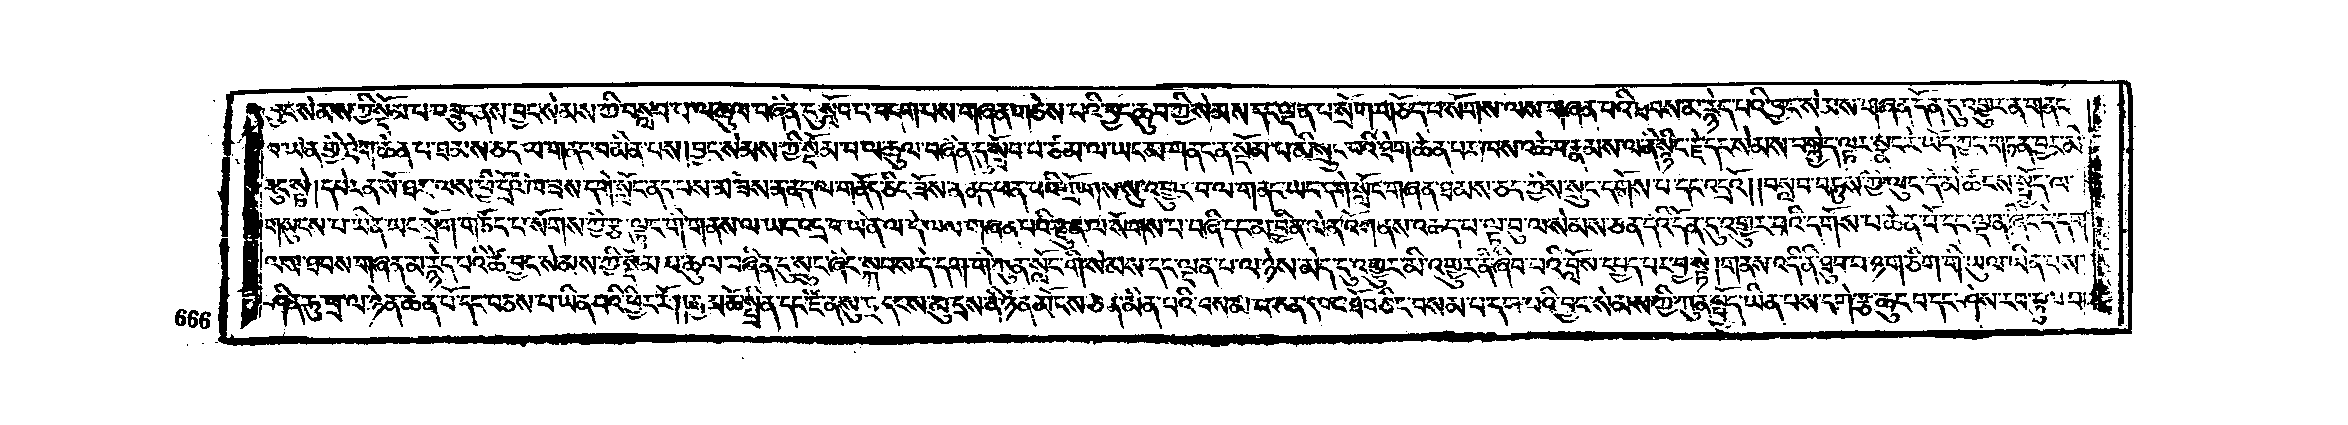བྱང་སེམས་ཀྱི་སྡོམ་པ་བཟུང་ནས་བྱང་སེམས་ཀྱི་བསླབ་པ་ལ་ཚུལ་བཞིན་དུ་སློབ་པ་བདག་པས་གཞན་གཅེས་པའི་བྱང་ཆུབ་ཀྱི་སེམས་དང་ལྡན་པ་སྲོག་གཅོད་པ་སོགས་ལས་གཞན་པའི་ཐབས་མ་རྙེད་པའི་བྱང་སེམས་གཞན་དོན་དུ་འགྱུར་ན་གནང་
བ་ཡིན་གྱི་ཐེག་ཆེན་པ་ཐམས་ཅད་ལ་གནང་བ་མིན་པས། བྱང་སེམས་ཀྱི་སྡོམ་པ་ལ་ཚུལ་བཞིན་དུ་སློབ་པ་ཙམ་ལ་ཡང་མ་གནང་ན་སྡོམ་པ་མི་སྲུང་བའི་ཐེག་ཆེན་པར་ཁས་འཆེ་བ་རྣམས་ལ་ནི་སྙིང་རྗེ་དང་སེམས་བསྐྱེད་ལྟར་སྣང་རེ་ཡོད་ཀྱང་གཏན་བྱར་མི་
རུང་སྟེ། དཔེར་ན་སོ་ཐར་ལས་ཕྱི་དྲོའི་ཁ་ཟས་དགེ་སློང་ནད་པས་མ་ཟེས་ན་ནད་ལ་གནོད་ཅིང་ཟོས་ན་ནད་ཕན་པའི་གྲོགས་སུ་འགྱུར་བ་ལ་གནང་ཡང་དགེ་སློང་གཞན་ཐམས་ཅད་ཀྱིས་སྲུང་དགོས་པ་དང་འདྲའོ། །བསླབ་བཏུས་ཀྱི་ལུང་དེ་མི་ཚངས་སྤྱོད་ལ་
གསུངས་པ་ཡིན་ཡང་སྲོག་གཅོད་པ་སོགས་ཀྱི་རྩ་ལྟུང་གི་གནས་ལ་ཡང་འདྲ་བ་ཡིན་ལ་དེ་ལས་གཞན་པའི་རྫུན་ལ་སོགས་པ་བཞི་དང་མ་བྱིན་ལེན་འོག་ནས་འཆད་པ་ལྟ་བུ་ལ་སེམས་ཅན་དེའི་དོན་དུ་འགྱུར་བའི་དགོས་པ་ཆེན་པོ་དང་ལྡན་ཞིང་དེ་དག་
ལས་ཐབས་གཞན་མ་རྙེད་པའི་ཚེ་བྱང་སེམས་ཀྱི་སྡོམ་པ་ཚུལ་བཞིན་དུ་སྲུང་ཞིང་སྐབས་དེ་དག་གི་ཀུན་སློང་གི་སེམས་དང་ལྡན་པ་ལ་ཉེས་མེད་དུ་འགྱུར་མི་འགྱུར་ནི་ཞིབ་པའི་བློས་དཔྱད་པར་བྱ་སྟེ། གནས་འདི་ནི་ཐུབ་པ་ཉག་ཅིག་གི་ཡུལ་ཡིན་པས་
ཤིན་ཏུ་ཁྲ་ལ་ཉེན་ཆེན་པོ་དང་བཅས་པ་ཡིན་པའི་ཕྱིར་རོ། །རྒྱ་མཚེ་སྤྲིན་དང་ཛི་ན་སུ་ཏྲ་དང་ས་མུ་དྲས་ནི་ཉོན་མོངས་ཅན་མིན་པའི་བསམ་པ་ཅན་དབང་ཐོབ་ཅིང་བསམ་པ་དང་པའི་བྱང་སེམས་ཀྱི་ཀུན་སྤྱོད་ཡིན་པས་དགེ་རྩ་ཆུང་བ་དང་ཤེས་རབ་རྟུལ་བ།